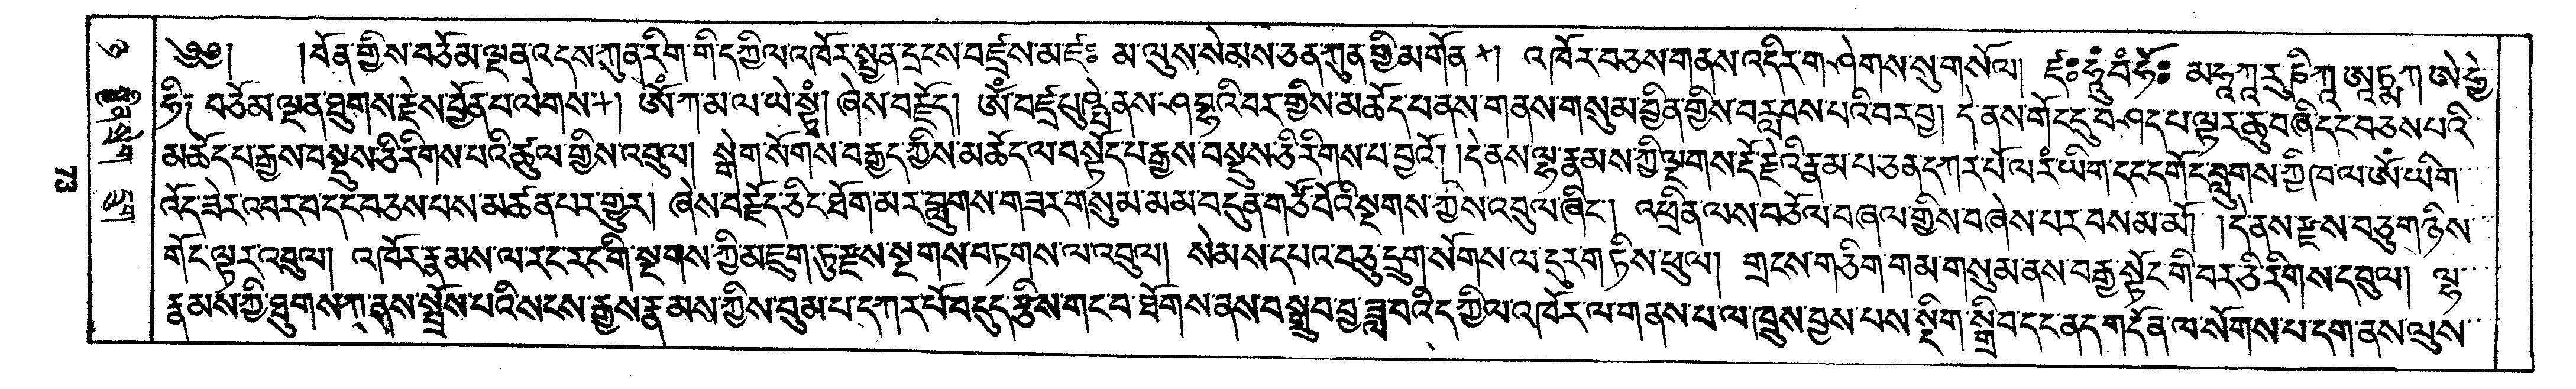༄༅། །བོན་གྱིས་བཅོམ་ལྡན་འདས་ཀུན་རིག་གི་དཀྱིལ་འཁོར་སྤྱན་དྲངས་བཛྲ་ས་མ་ཛཿ མ་ལུས་སེམས་ཅན་ཀུན་གྱི་མགོན། འཁོར་བཅས་གནས་འདིར་གཤེགས་སུ་གསོལ། ཛཿཧཱུཾ་བཾ་ཧོཿ། མཧཱ་ཀཱ་རུ་ཎི་ཀཱ་ཨཱཏྨ་ཀ་ཨེ་ཧྱེ་
ཧི༑ བཅོམ་ལྡན་ཐུགས་རྗེས་བྱོན་པ་ལེགས། ཨོཾ་ཀ་མ་ལ་ཡེ་སྟྭཾ། ཞེས་བརྗོད། ཨོཾ་བཛྲ་པུཥྤེ་ནས་ཤཔྟའི་བར་གྱིས་མཆོད་བ་ནས་གནས་གསུམ་བྱིན་གྱིས་བརླབས་བའི་བར་བྱ། དེ་ནས་གོང་དུ་བཤད་པ་ལྟར་ཆུ་བཞི་དང་བཅས་པའི་
མཆོད་པ་རྒྱས་བསྡུས་ཅི་རིགས་པའི་ཚུལ་གྱིས་འབུལ། སྒེག་སོགས་བརྒྱད་ཀྱིས་མཆོད་ལ་བསྟོད་བརྒྱས་བསྡུས་ཅི་རིགས་བ་བྱའོ། །དེ་ནས་ལྷ་རྣམས་ཀྱི་ལྗགས་རྡོ་རྗེའི་རྣམ་པ་ཅན་དཀར་པོ་ལ་རཾ་ཡིག་དང་དགང་བླུགས་ཀྱི་ཁ་ལ་ཨོཾ་ཡིག་
འོད་ཟེར་འབར་བ་དང་བཅས་པས་མཚན་པར་གྱུར། ཞེས་བརྗོད་ཅིང་ཐོག་མར་བླུགས་གཟར་གསུམ་མམ་བདུན་གཙོ་བོའི་སྔགས་ཀྱིས་འབུལ་ཞིང་། འཕྲིན་ལས་བཅོལ་བ་ཞལ་གྱིས་བཞེས་པར་བསམ་མོ། །དེ་ནས་རྫས་བཅུ་གཉིས་
གོང་ལྟར་འབུལ། འཁོར་རྣམས་ལ་རང་རང་གི་སྔགས་ཀྱི་མཇུག་ཏུ་རྫས་སྔགས་བཏགས་ལ་འབུལ། སེམས་དཔའ་བཅུ་དྲུག་སོགས་ལ་དུར་ག་ཏིས་ཕུལ། གྲངས་གཅིག་གམ་གསུམ་ནས་བརྒྱ་སྟོང་གི་བར་ཅི་རིགས་དབུལ། ལྷ་
རྣམས་ཀྱི་ཐུགས་ཀ་ནས་སྤྲོས་པའི་སངས་རྒྱས་རྣམས་ཀྱིས་བུམ་པ་དཀར་པོ་བདུད་རྩིས་གང་བ་ཐོགས་ནས་བསྒྲུབ་བྱ་ཟླ་བའི་དཀྱིལ་འཁོར་ལ་གནས་པ་ལ་ཁྲུས་བྱས་པས་སྡིག་སྒྲིབ་དང་ནད་གདོན་ལ་སོགས་པ་དག་ནས་ལུས་